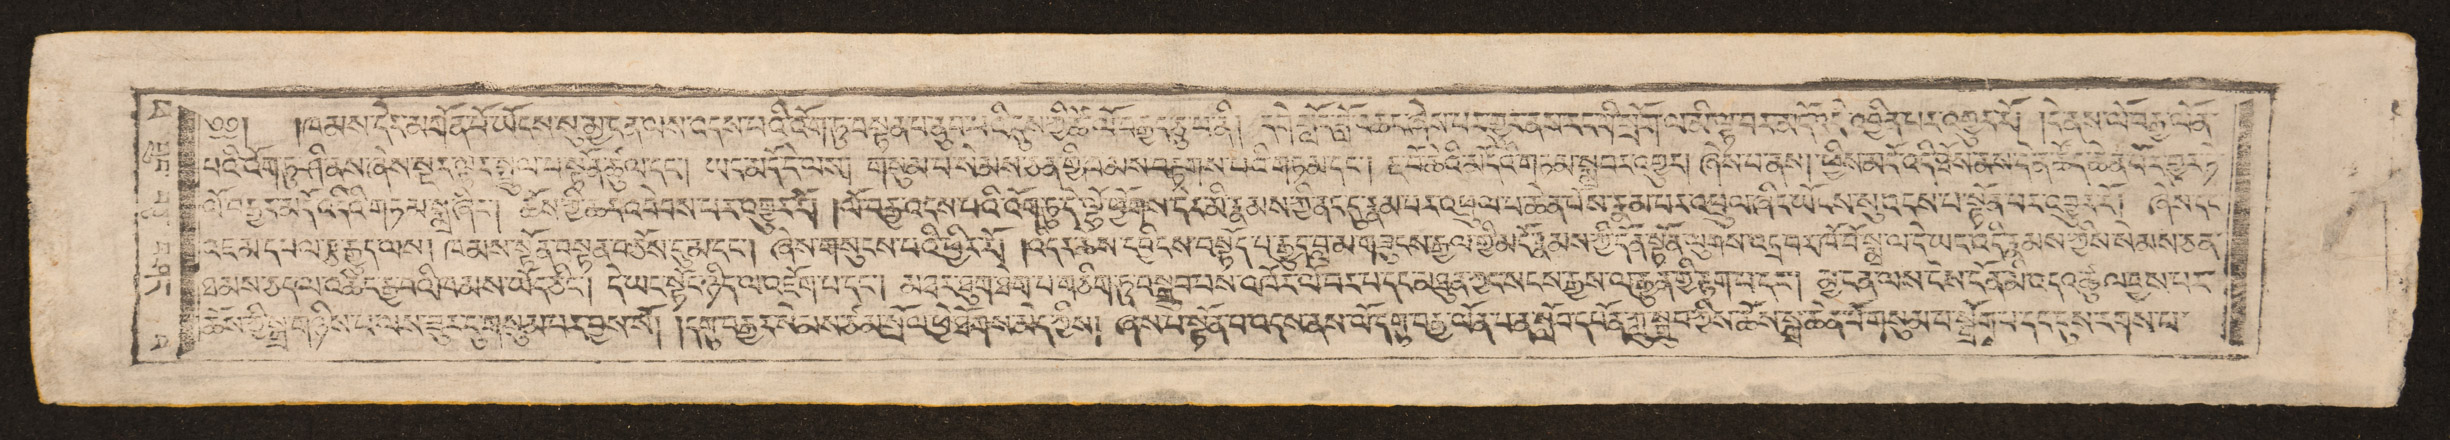༄༅། །ཁམས་དེར་མགོན་པོ་ཡོངས་སུ་མྱ་ངན་ལས་འདས་པའི་འོག་ཏུ་བསྟན་པ་ནུབ་པའི་དུས་ཀྱི་ཚེ་ལོ་བརྒྱད་ཅུ་པ་ནི། དགེ་སློང་བློ་འཆང་ཞེས་པར་གྱུར་ནས་རང་གི་སྲོག་ལ་མི་ལྟ་བར་མདོ་འདི་འབྱིན་པར་འགྱུར་རོ། །དེ་ནས་ལོ་བརྒྱ་ལོན་
པའི་འོག་ཏུ་ཤི་ནས་ཞེས་སྔར་ལྟར་སྤྲུལ་པ་སྟོན་ཚུལ་དང་། ཡང་མདོ་དེ་ལས། གསུམ་པ་སེམས་ཅན་གྱི་ཁམས་བརྟགས་པའི་གཏམ་དང་། རྔ་བོ་ཆེའི་མདོའི་གཏམ་སྨྲ་བར་འགྱུར། ཞེས་པ་ནས། ཕྱིས་མདོ་འདི་ཐོས་ནས་དེ་ན་ཚོད་ཆེན་པོར་གྱུར་ཏེ་
ལོ་བརྒྱར་མདོ་འདིའི་གཏམ་སྨྲ་ཞིང་། ཆོས་ཀྱི་ཆར་འབེབས་པར་འགྱུར་རོ། །ལོ་བརྒྱ་འདས་པའི་འོག་ཏུ་དེ་ལྷོ་ཕྱོགས་དེར་མི་རྣམས་ཀྱི་ནང་དུ་རྣམས་པར་འཕྲུལ་པ་ཆེན་པོས་རྣམ་པར་འཕྲུལ་ཞིང་ཡོངས་སུ་འདས་པ་སྟོན་པར་འགྱུར་རོ། ཞེས་དང་
འཇམ་དཔལ་རྩ་རྒྱུད་ལས། ཁམས་སྟོན་བསྟན་བཅོས་དུ་མ་དང་། ཞེས་གསུངས་པའི་ཕྱིར་རོ། །འདིར་ཆོས་དབྱིངས་བསྟོད་པ་རྒྱུད་བླ་མ་གཟུངས་རྒྱལ་གྱི་མདོ་རྣམས་ཀྱི་དོན་སྟོན་ལུགས་འདྲ་བར་ཁོ་བོ་སྨྲ་ལ་དེ་ཡང་འདི་རྣམས་ཀྱིས་སེམས་ཅན་
ཐམས་ཅད་ལ་འཆིད་རྒྱ་བའི་ཁམས་ཡོད་ཅིང་། དེ་ཡང་སྟོང་ཉིད་ལ་འཇོག་པ་དང་། མཐར་ཐུག་ཐེག་པ་གཅིག་ཏུ་བསྒྲུབ་པས་འཁོར་ལོ་བར་པ་དང་མཐུན་ཀྱང་སངས་རྒྱས་ལ་རྒྱུན་གྱི་རྟག་པ་དང་། མྱ་ངན་ལས་ངེས་དོན་མི་འདའ་ཚུལ་བྱས་པར་
ཆོས་ཀྱི་སྒྲ་གཉིས་པ་ལས་ཟུར་དུ་གསུམ་པར་བྱས་སོ། །དགུ་བརྒྱར་སེམས་ཙམ་སྲོལ་ཕྱེ་ཐོགས་མེད་ཀྱིས། ཞེས་པ་སྟོན་པ་འདས་ནས་ལོ་དགུ་བརྒྱ་ལོན་པ་ན་སློབ་དཔོན་ཀླུ་སྒྲུབ་ཀྱིས་ཆོས་སྒྲ་ཆེན་པོ་གསུམ་པ་སྒྲོགས་པ་དང་དུས་རགས་པ་